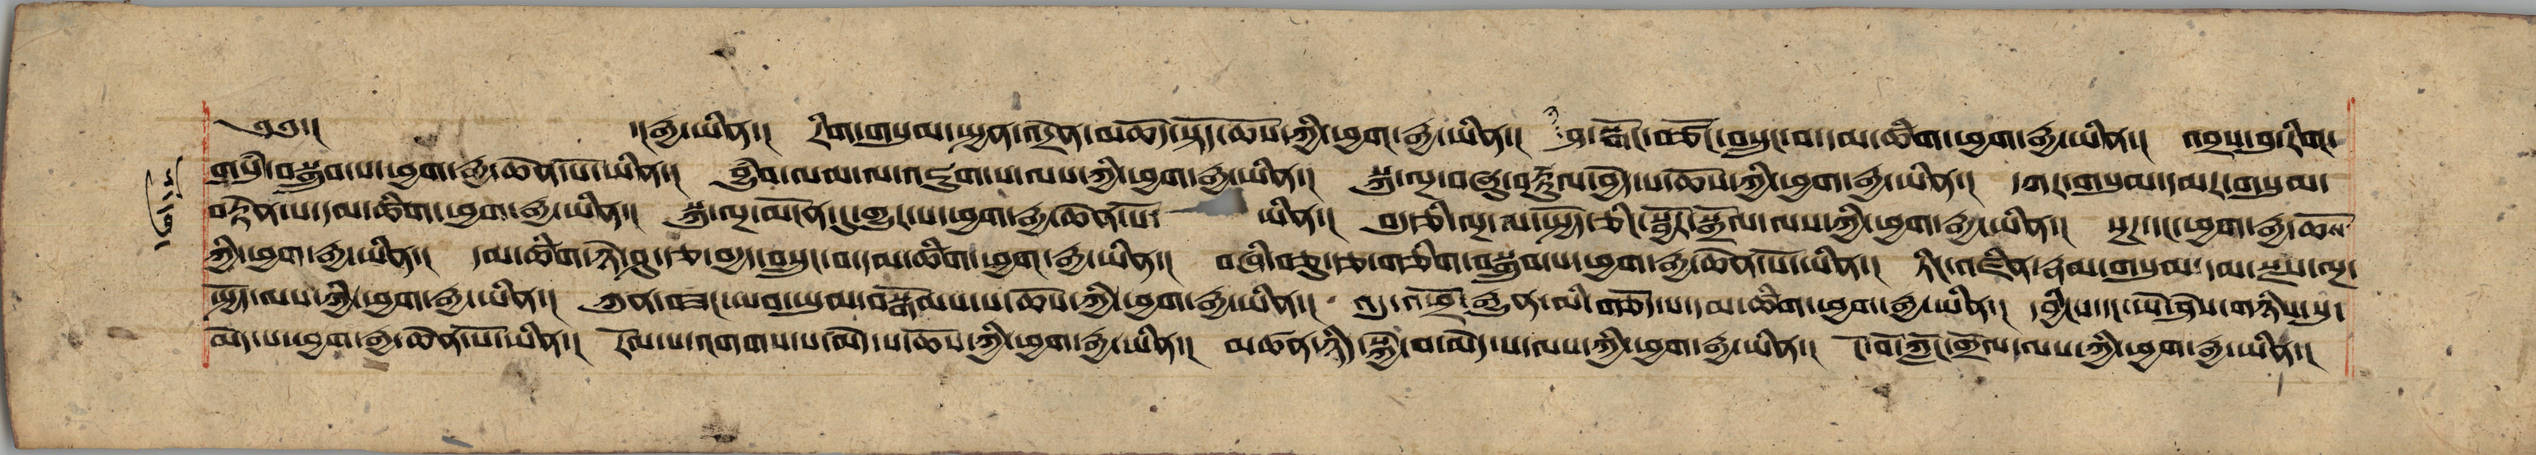༄༅་། ་།རྒྱ་ཡིན་། རིག་གསུམ་སྤྱན་འདྲེན་མཆོད་སྟོད་ཆོས་ཀྱི་ཕྱག་རྒྱ་ཡིན་། ཤ་སྒོང་བཙོང་བསྲུང་བ་དམ་ཚིག་ཕྱག་རྒྱ་ཡིན་། འབྲས་བུ་རིག་
གསུཾ་བསྒྲུབ་པ་ཕྱག་རྒྱ་ཆེན་པོ་ཡིན་། བྱུཾབ་ལམ་ལ་འཇུག་པ་ལས་ཀྱི་ཕྱག་རྒྱ་ཡིན་། སྐུ་ལྔ་བཞུ་བརྟུལ་བྱེད་པ་ཆོས་ཀྱི་ཕྱག་རྒྱ་ཡིན་། དཀར་གསུམ་དམར་གསུམ་
བརྟེན་པ་དམ་ཚིག་ཕྱག་རྒྱ་ཡིན་། སྐུ་ལྔ་མངོན་དུ་གྱུར་པ་ཕྱག་རྒྱ་ཆེན་པོ་ ཡིན་། བདུརྩི་ལྔ་ལ་སྤྱོད་ཅིང་སྦྱོར་སྒྲོལ་ལས་ཀྱི་ཕྱག་རྒྱ་ཡིན་། སྔཌ་དང་ཕྱག་རྒྱ་ཆོས་
ཀྱི་ཕྱག་རྒྱ་ཡིན་། དམ་ཚིག་ཉེ་ཤུ་རྩ་བདྱད་བསྲུང་བ་དམ་ཚིག་ཕྱག་རྒྱ་ཡིན་། བཞི་བཅུ་རྩ་གཅིག་བསྒྲུབ་པ་ཕྱག་རྒྱ་ཆེན་པོ་ཡིན་། ཏིང་འཛིན་རྣམ་གསུམ་དམ་སྫས་ལྔ་
སྤྱོད་ལས་ཀྱི་ཕྱག་རྒྱ་ཡིན་། ཀུན་བཟང་ཡབ་ཡུམ་བསྒོམས་པ་ཆོས་ཀྱི་ཕྱག་རྒྱ་ཡིན་། འདུ་འཕྲོ་རྒྱུན་མི་གཅོད་པ་དམ་ཚིག་ཕྱག་རྒྱ་ཡིན་། དབྱིངས་དང་ཡེ་ཤེས་གཉིས་སུ་
མེད་པ་ཕྱག་རྒྱ་ཆེན་པོ་ཡིན་། རོལ་པ་འགགས་པ་མེད་པ་ཆོས་ཀྱི་ཕྱག་རྒྱ་ཡིན་། མཚན་ཉིད་སྐྱེ་བ་མེད་པ་ལས་ཀྱི་ཕྱག་རྒྱ་ཡིན་། ངོ་བོ་ཀློང་གྲོལ་ལས་ཀྱི་ཕྱག་རྒྱ་ཡིན་།